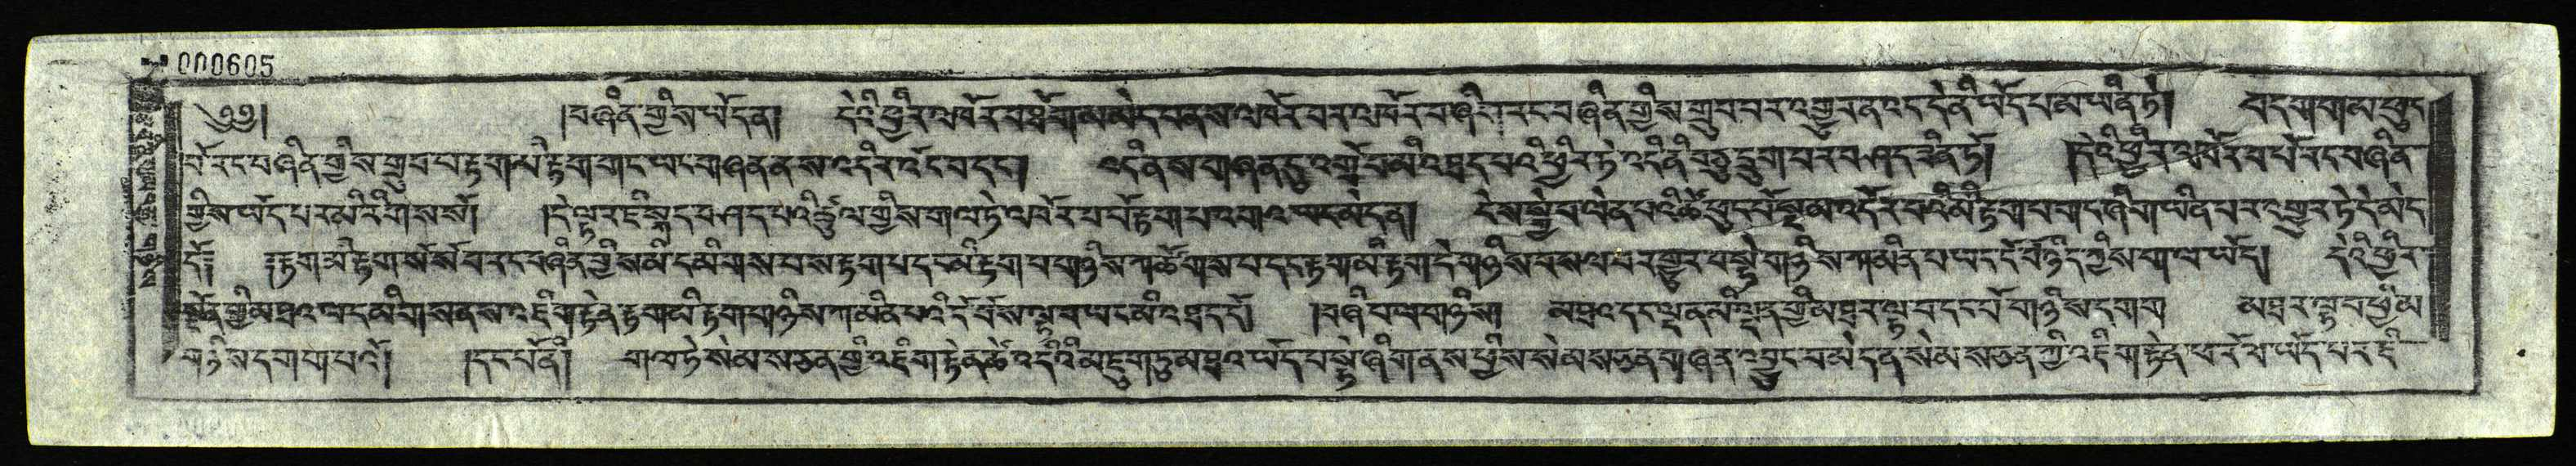༄༅། །བཞིན་གྱིས་ཡོད་ན། དེའི་ཕྱིར་འཁོར་བ་ཐོག་མ་མེད་པ་ནས་འཁོར་བར་འཁོར་བ་ཞིག་རང་བཞིན་གྱིས་གྲུབ་པར་འགྱུར་ནའང་དེ་ནི་ཡོད་པ་མ་ཡིན་ཏེ། བདག་གམ་ཕུང་
པོ་རང་བཞིན་གྱིས་གྲུབ་པ་རྟག་མི་རྟག་གང་ཡང་གཞན་ནས་འདིར་འོང་བ་དང་། འདི་ནས་གཞན་དུ་འགྲོ་བ་མི་འཐད་པའི་ཕྱིར་ཏེ་འདི་ནི་བཅུ་དྲུག་པར་བཤད་ཟིན་ཏོ། །དེའི་ཕྱིར་འཁོར་བ་པོ་རང་བཞིན་
གྱིས་ཡོད་པར་མི་རིགས་སོ། །དེ་ལྟར་ཇི་སྐད་བཤད་པའི་ཚུལ་གྱིས་གལ་ཏེ་འཁོར་བ་པོ་རྟག་པ་འགའ་ཡང་མེད་ན། ངེས་སྐྱེ་བ་ལེན་པའི་ཚེ་ཕུང་པོ་སྔ་མ་འདོར་བའི་མི་རྟག་པ་གང་ཞིག་ཡིན་པར་འགྱུར་ཏེ་དེ་མེད་
དོ༑ ༑རྟག་མི་རྟག་སོ་སོ་བ་རང་བཞིན་གྱིས་མི་དམིགས་པས་རྟག་པ་དང་མི་རྟག་པ་གཉིས་ཀ་ཚོགས་པ་དང་རྟག་མི་རྟག་དེ་གཉིས་བསལ་བར་གྱུར་པ་སྟེ་གཉིས་ཀ་མིན་པ་ཡང་ངོ་བོ་ཉིད་ཀྱིས་ག་ལ་ཡོད། དེའི་ཕྱིར་
སྔོན་གྱི་མཐའ་ལ་དམིགས་ནས་འཇིག་རྟེན་རྟག་མི་རྟག་གཉིས་ཀ་མིན་པའི་ངོ་བོས་ལྟ་བ་ཡང་མི་འཐད་དོ། །བཞི་པ་ལ་གཉིས། མཐའ་དང་ལྡན་མི་ལྡན་གྱི་མཐར་ལྟ་བ་དང་པོ་གཉིས་དགག་མཐར་ལྟ་བ་ཕྱི་མ་
གཉིས་དགག་པའོ། །དང་པོ་ནི། གལ་ཏེ་སེམས་ཅན་གྱི་འཇིག་རྟེན་ཚེ་འདིའི་མཇུག་ཏུ་མཐའ་ཡོད་པ་སྟེ་ཞིག་ནས་ཕྱིས་སེམས་ཅན་གཞན་འབྱུང་བ་མེད་ན་སེམས་ཅན་ཀྱི་འཇིག་རྟེན་ཕ་རོལ་ཡོད་པར་ཇི་